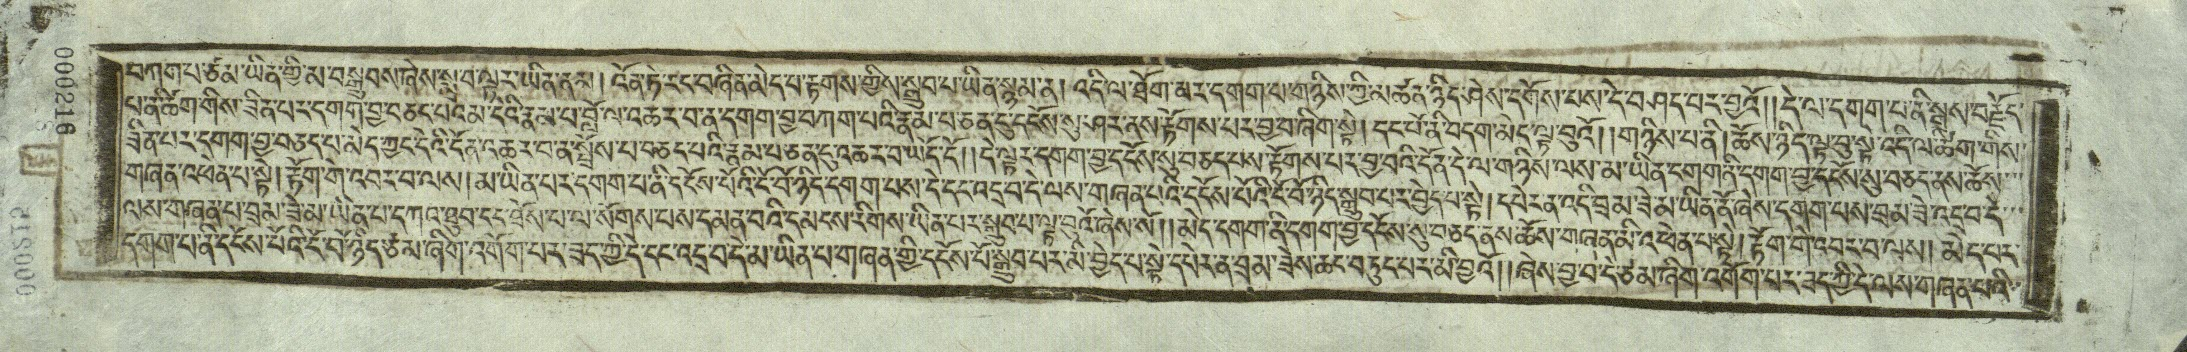བཀག་པ་ཙམ་?་ཡིན་གྱི་མ་བསྒྲུབས་ཞེས་སྨྲ་བ་ལྟར་ཡིན་ནམ། འོན་ཏེ་རང་བཞིན་མེད་པ་རྟགས་ཀྱིས་སྒྲུབ་པ་ཡིན་སྙམ་ན། འདི་ལ་ཐོག་མར་དགག་པ་གཉིས་ཀྱི་མཚན་ཉིད་ཤེས་དགོས་པས་དེ་བཤད་པར་བྱའོ། །དེ་ལ་དགག་པ་ནི་སྒྲས་བརྗོད་
པ་ན་ཚིག་གིས་ཟིན་པར་དགག་བྱ་བཅད་པའམ་དེའི་རྣམ་པ་བློ་ལ་འཆར་བ་ན་དགག་བྱ་བཀག་པའི་རྣམ་པ་ཅན་དུ་དངོས་སུ་ཤར་ནས་རྟོགས་པར་བྱ་བ་ཞིག་སྟེ། དང་པོ་ནི་བདག་མེད་ལྟ་བུའོ། །གཉིས་པ་ནི། ཆོས་ཉིད་ལྟ་བུ་སྟེ་འདི་ལ་ཚིག་གིས་
ཟིན་པར་དགག་བྱ་བཅད་པ་མེད་ཀྱང་དེའི་དོན་འཆར་བ་ན་སྤྲོས་པ་བཅད་པའི་རྣམ་པ་ཅན་དུ་འཆར་བ་ཡོད་དོ། །དེ་ལྟར་དགག་བྱ་དངོས་སུ་བཅད་པས་རྟོགས་པར་བྱ་བའི་དོན་དེ་ལ་གཉིས་ལས་མ་ཡིན་དགག་ནི་དགག་བྱ་དངོས་སུ་བཅད་ནས་ཆོས་
གཞན་འཕེན་པ་སྟེ། རྟོག་གེ་འབར་བ་ལས། མ་ཡིན་པར་དགག་པ་ནི་དངོས་པོའི་ངོ་བོ་ཉིད་དགག་པས་དེ་དང་འདྲ་བ་དེ་ལས་གཞན་པའི་དངོས་པོའི་ངོ་བོ་ཉིད་སྒྲུབ་པར་བྱེད་པ་སྟེ། དཔེར་ན་འདི་བྲམ་ཟེ་མ་ཡིན་ནོ་ཞེས་དགག་པས་བྲམ་ཟེ་འདྲ་བ་དེ་
ལས་གཞན་པ་བྲམ་ཟེ་མ་ཡིན་པ་དཀའ་ཐུབ་དང་ཐོས་པ་ལ་སོགས་པས་དམན་པའི་དམངས་རིགས་ཡིན་པར་སྒྲུབ་པ་ལྟ་བུའོ་ཞེས་སོ། །མེད་དགག་ནི་དགག་བྱ་དངོས་སུ་བཅད་ནས་ཆོས་གཞན་མི་འཕེན་པ་སྟེ། རྟོག་གེ་འབར་བ་ལས། མེད་པར་
དགག་པ་ནི་དངོས་པོའི་ངོ་བོ་ཉིད་ཙམ་ཞིག་འགོག་པར་ཟད་ཀྱི་དེ་དང་འདྲ་བ་དེ་མ་ཡིན་པ་གཞན་གྱི་དངོས་པོ་སྒྲུབ་པར་མི་བྱེད་པ་སྟེ་དཔེར་ན་བྲམ་ཟེས་ཆང་བཏུང་བར་མི་བྱའོ། །ཞེས་བྱ་བ་དེ་ཙམ་ཞིག་འགོག་པར་ཟད་ཀྱི་དེ་ལས་གཞན་པའི་